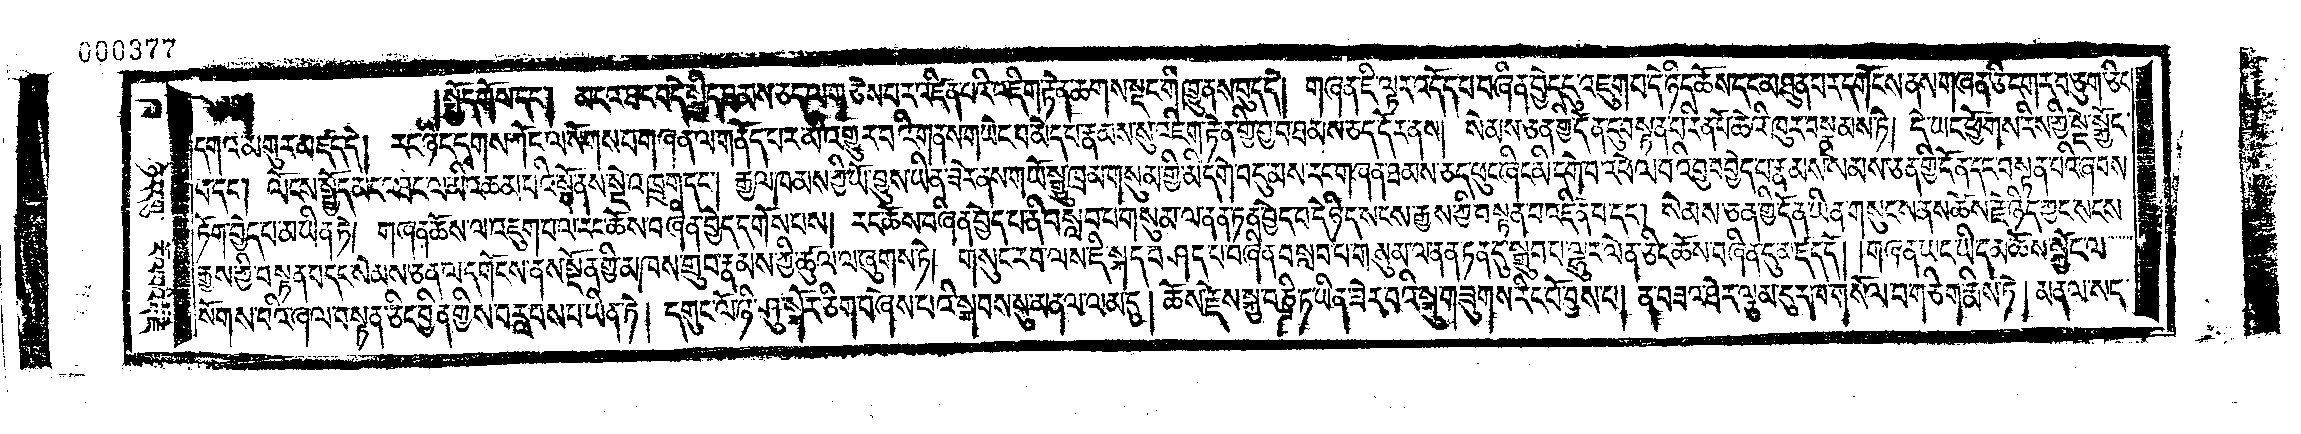༄༅། །སྤྱོད་གོས་དང་། མངའ་ཐང་བདེ་སྐྱིད་ཐམས་ཅད་ལ་གཅེས་པར་འཛིན་པའི་འཇིག་རྟེན་ཆགས་སྡང་གི་ཁྱུ་ནས་བུད་དེ། གཞན་ཇི་ལྟར་འདོད་པ་བཞིན་བྱེད་དུ་འཇུག་པ་དེ་ཉིད་ཆོས་དང་མཐུན་པར་དགོངས་ནས་གཞན་ཅི་དགར་བཅུག་ཅིང་
དགའ་མགུར་མཛད་དེ། རང་ཉིད་དྭགས་ཀོང་ལ་སོགས་པ་གཞན་ལ་གནོད་པར་མི་འགྱུར་བའི་གནས་གཡེང་བ་མེད་པ་རྣམས་སུ་འཇིག་རྟེན་གྱི་བྱ་བ་ཐམས་ཅད་དོར་ནས། སེམས་ཅན་གྱི་དོན་དུ་བསྟན་པ་རིན་པོ་ཆེའི་ཁུར་བསྣམས་ཏེ། དེ་ཡང་ཕྱོགས་རིས་ཀྱི་སྡེ་སྐྱོང་
བ་དང་། ལོངས་སྤྱོད་མངའ་ཐང་ལ་མི་འཆམ་པའི་སྒོ་ནས་སྔེ་འཁྲུག་དང་། རྒྱལ་ཁམས་ཀྱི་ཡོ་བྱུས་ཡིན་ཟེར་ནས་གཡོ་སྒྱུ་ཁྲམ་གསུམ་གྱི་མི་དགེ་བ་དུ་མས་རང་གཞན་ཐམས་ཅད་ཕུང་ཞིང་མི་དགེ་བ་འཕེལ་བའི་བྱ་བ་བྱེད་པ་རྣམས་སེམས་ཅན་གྱི་དོན་དང་བསྟན་པའི་ཞབས་
ཏོག་བྱེད་པ་མ་ཡིན་ཏེ། གཞན་ཆོས་ལ་འཇུག་པ་ལ་རང་ཆོས་བཞིན་བྱེད་དགོས་པས། རང་ཆོས་བཞིན་བྱེད་པ་ནི་བསླབ་པ་གསུམ་ལ་ནན་ཏན་བྱེད་པ་དེ་ཉིད་སངས་རྒྱས་ཀྱི་བསྟན་པ་འཛིན་པ་དང་། སེམས་ཅན་གྱི་དོན་ཡིན་གསུངས་ནས་ཆོས་རྗེ་ཉིད་ཀྱང་སངས་
རྒྱས་ཀྱི་བསྟན་པ་དང་སེམས་ཅན་ལ་དགོངས་ནས་སྔོན་གྱི་མཁས་གྲུབ་རྣམས་ཀྱི་ཚུལ་ལ་ཞུགས་ཏེ། གསུང་རབ་ལས་ཇི་སྐད་བཤད་པ་བཞིན་བསླབ་པ་གསུམ་ལ་ནན་ཏན་དུ་སྒྲུབ་པ་ལྷུར་ལེན་ཅིང་ཆོས་བཞིན་དུ་མཛད་དོ། །གཞན་ཡང་ཡི་དམ་ཆོས་སྐྱོང་ལ་
སོགས་པའི་ཞལ་བསྟན་ཅིང་བྱིན་གྱིས་བརླབས་པ་ཡིན་ཏེ། དགུང་ལོ་ཉི་ཤུ་སྐོར་ཅིག་བཞེས་པའི་སྐབས་སུ་མནལ་ལམ་དུ། ཆོས་རྗེས་སྐྱ་པཎྜི་ཏ་ཡིན་ཟེར་བའི་སྐུ་གཟུགས་རིང་པོ་བྱས་པ། ན་བཟའ་ཐེར་ལྕམ་དུར་ཁ་གསོལ་བ་གཅིག་རྨིས་ཏེ། མནལ་སད་